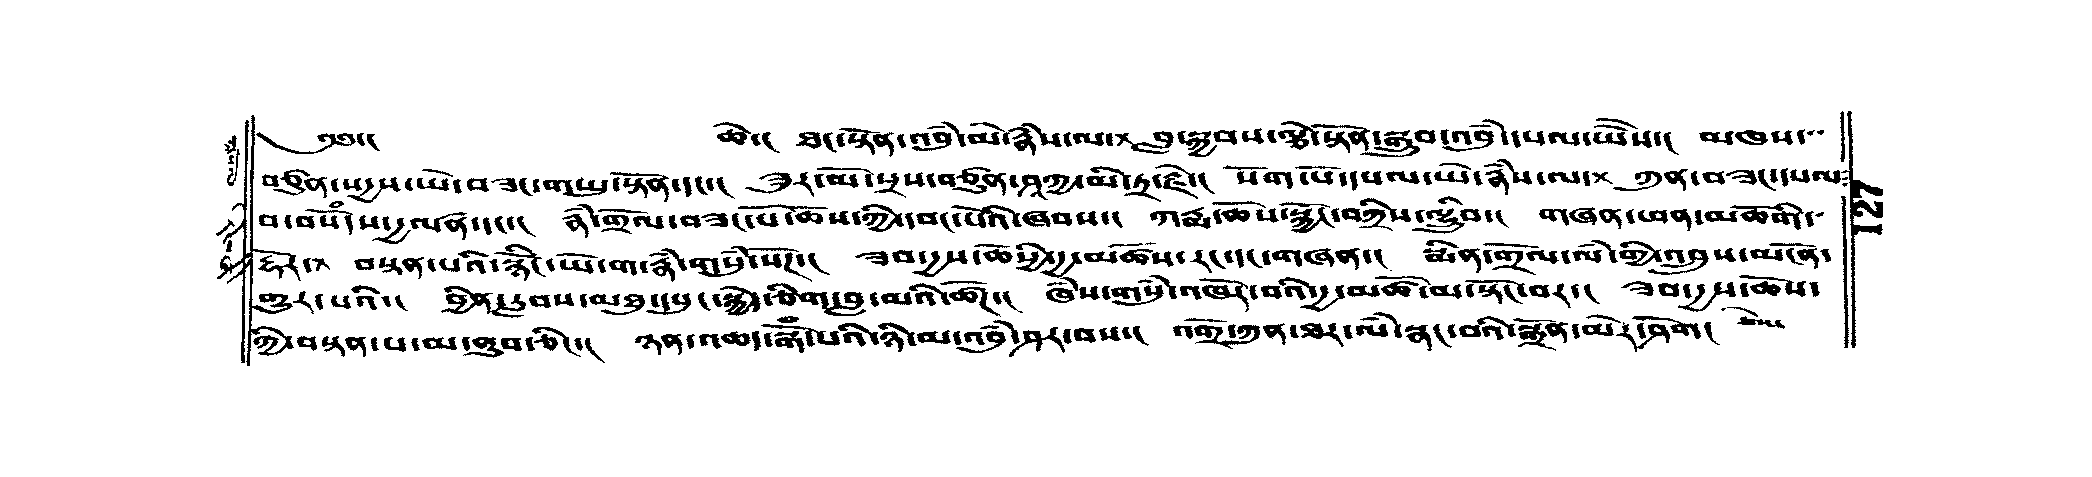ཆེ། །ཐང་སྟོན་འབུམ་མེ་རྣམས་ལ༴ །བླ་སྐྱབས་ལྕེ་སྟོན་སྒྲུབ་འབུམ་དཔལ་ཡེ་ཤེས། །མཁས་
བཙུན་སངས་རྒྱས་ཡེ་བཟང་གཡུང་སྟོན་དང་། །ཟུར་མོ་སྲས་བཙུན་ཤཱཀྱ་མི་ཏྲ་རྗེ། །སོག་པོ་དཔལ་ཡེ་རྣམས་ལ༴ །ཀུན་བཟང་དཔལ་
བ་བསོད་ནམས་རྒྱལ་མཚན་དང་། །རྣམ་གྲོལ་བཟང་པོ་ཆོས་ཀྱི་དབང་པོའི་ཞབས། །ཀརྨ་ཆོས་སྐྱོང་བཀྲ་ཤིས་ལྷུན་གྲུབ་ཀྱི། །གཞན་ཕན་མཆོག་གི་
རྡོར༴ །བསྟན་པའི་སྙིང་པོ་ཡོ་ག་རྣམ་གསུམ་སོགས། །ཟབ་རྒྱས་ཆོས་ཀྱི་རྒྱ་མཚོས་རང་དང་གཞན། །སྨིན་གྲོལ་ལམ་གྱི་འབྲས་བུ་མངོན་
གྱུར་པའི། །བྱིན་རླབས་མཐུ་དཔུང་བསྐྱེད་ཅིག་བླ་མའི་ཚོགས། །ཁམས་གསུམ་འཁོར་བའི་རྒྱ་མཚོ་མ་སྟོང་བར། །ཟབ་རྒྱས་ཆོས་
ཀྱི་བསྟན་པ་མ་ནུབ་ཅིང་། །ཉན་འཆད་སྒོམ་པའི་ཉི་མ་འབུམ་ཤར་བས། །འགྲོ་ཀུན་ཐར་ལམ་སྣང་བའི་སྒྲོན་མེར་ཤོག། ཅེས་